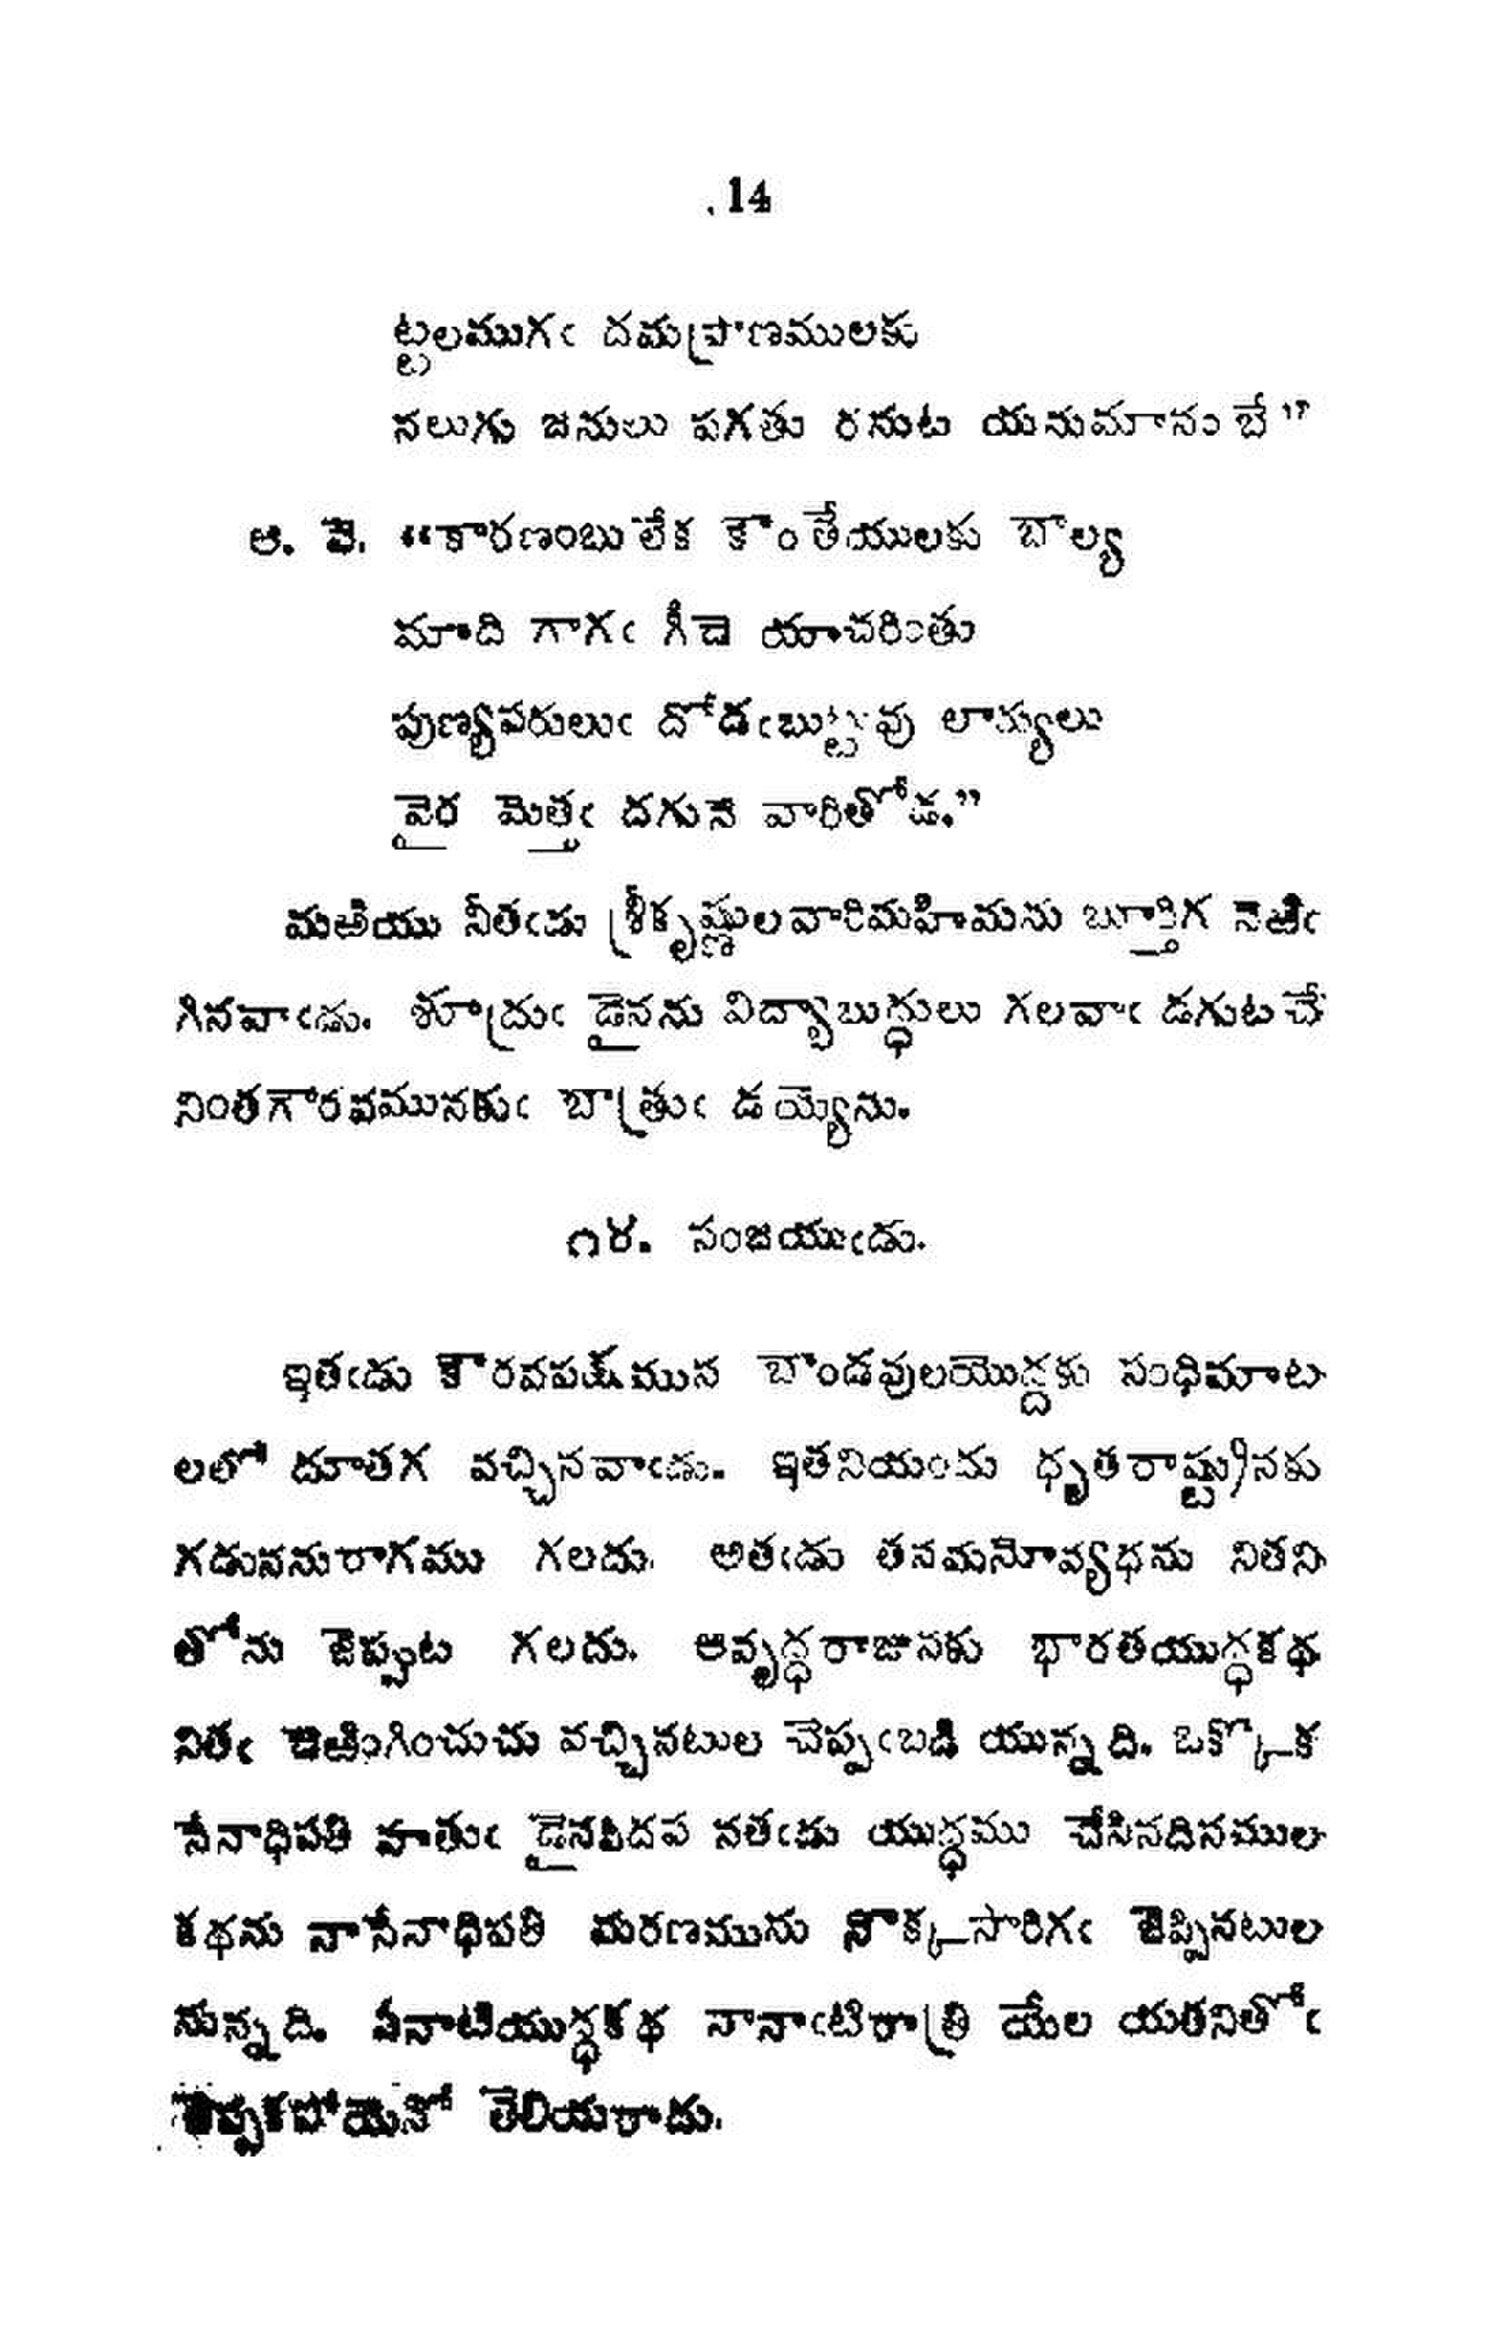ట్టలముగఁ దమప్రాణములకు
 నలుగు జనులు పగతు రనుట యనుమానంబే"

ఆ. వె. "కారణంబులేక కౌంతేయులకు బాల్య
 మాది గాగఁ గీడె యాచరింతు
 పుణ్యపరులుఁ దోడఁబుట్టువు లార్యులు
 వైర మెత్తఁ దగునె వారితోడ."
మఱియు నీతఁడు శ్రీకృష్ణుల వారిమహిమను బూర్తిగ నెఱిఁగినవాఁడు. శూద్రుఁ డైనను విద్యాబుద్ధులు గలవాఁ డగుటచే నింతగౌరవమునకుఁ బాత్రుఁ డయ్యెను.

ఇతఁడు కౌరవపక్షమున బాండవులయొద్దకు సంధిమాటలలో దూతగ వచ్చినవాఁడు. ఇతనియందు ధృతరాష్ట్రునకు గడుననురాగము గలదు. అతఁడు తనమనోవ్యధను నితనితోను జెప్పుట గలదు. ఆవృద్ధరాజునకు భారతయుద్ధకథ నితఁ డెఱింగించుచు వచ్చినటుల చెప్పఁబడి యున్నది. ఒక్కొక
సేనాధిపతి హతుఁ డైనపిదప నతఁడు యుద్ధము చేసినదినములు కథను నాసేనాధిపతి మరణమును నొక్కసారిగఁ జెప్పినటుల నున్నది. ఏనాటియుద్ధకథ నానాఁటిరాత్రి యేల యతనితోఁ
జెప్పకపోయెనో తెలియరాదు.